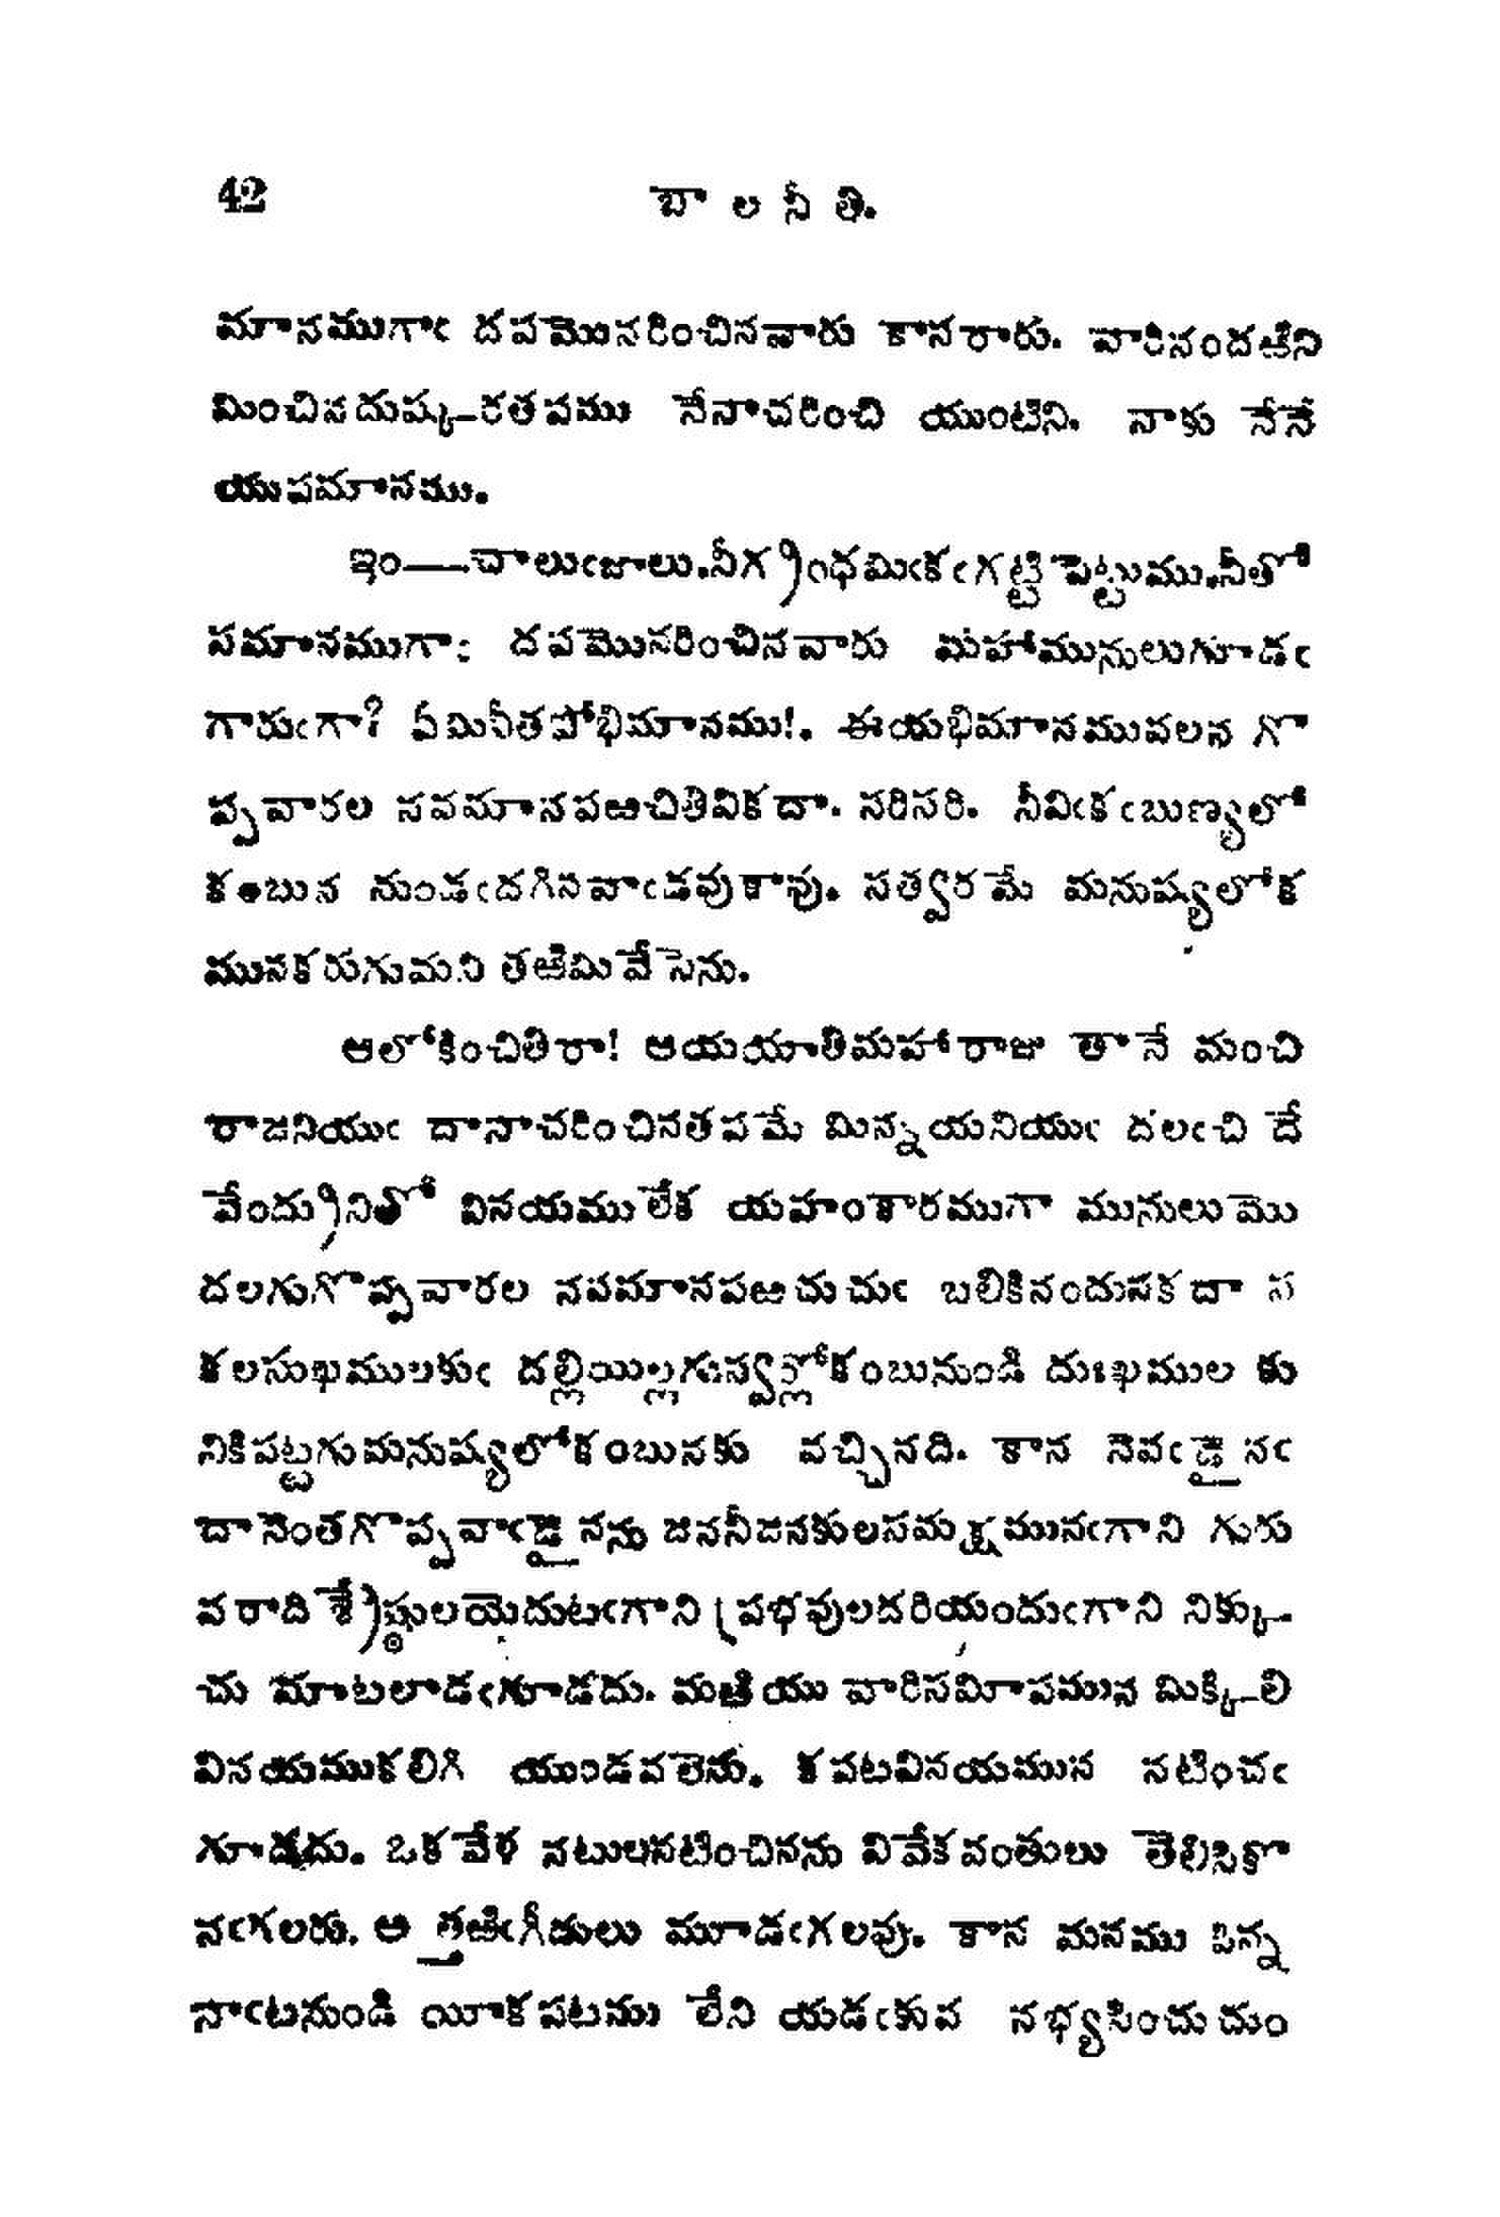మానముగాఁ దపమొనరించినవారు కానరారు. వారినందఱిని 
మించినదుష్కరతపము నేనాచరించి యుంటిని. నాకు నేనే 
యుపమానము.

ఇం--చాలుఁజాలు. నీగ్రంధమిఁకఁగట్టిపెట్టుము. నీతో 
సమానముగా: దపమొనరించినవారు మహామునులుగూడఁ 
గారుఁగా? ఏమినీతపోభిమానము!. ఈయభిమానమువలన గొ
ప్పవారల నవమానపఱచితివికదా. సరిసరి. నీవిఁకఁబుణ్యలో
కంబున నుండఁదగినవాఁడవుకావు. సత్వరమే మనుష్యలోక
మునకరుగుమని తఱిమివేసెను. 

ఆలోకించితిరా! ఆయయాతిమహారాజు తానే మంచి 
రాజనియుఁ దానాచరించినతపమే మిన్నయనియుఁ దలఁచి దే
వేంద్రునితో వినయములేక యహంకారముగా మునులుమొ
దలగుగొప్పవారల నవమానపఱచుచుఁ బలికినందునకదా స
కలసుఖములకుఁ దల్లియిల్లగుస్వర్లోకంబునుండి దుఃఖముల కు
నికిపట్టగు మనుష్యలోకంబునకు వచ్చినది. కాన నెవఁడైనఁ 
దానెంతగొప్పవాఁడైనను జననీజనకులసమక్షమునఁగాని గురు
వరాదిశ్రేష్ఠులయెదుటఁగాని ప్రభువులదరియందుఁగాని నిక్కు
చు మాటలాడఁగూడదు. మఱియు వారిసమీపమున మిక్కిలి 
వినయముకలిగి యుండవలెను. కపటవినయమున నటించఁ
గూడదు. ఒకవేళ నటులనటించినను వివేకవంతులు తెలిసికొ
నఁగలరు. అత్తఱిఁగీడులు మూడఁగలవు. కాన మనము పిన్న
నాఁటనుండి యీకపటము లేని యడఁకువ నభ్యసించు చుం